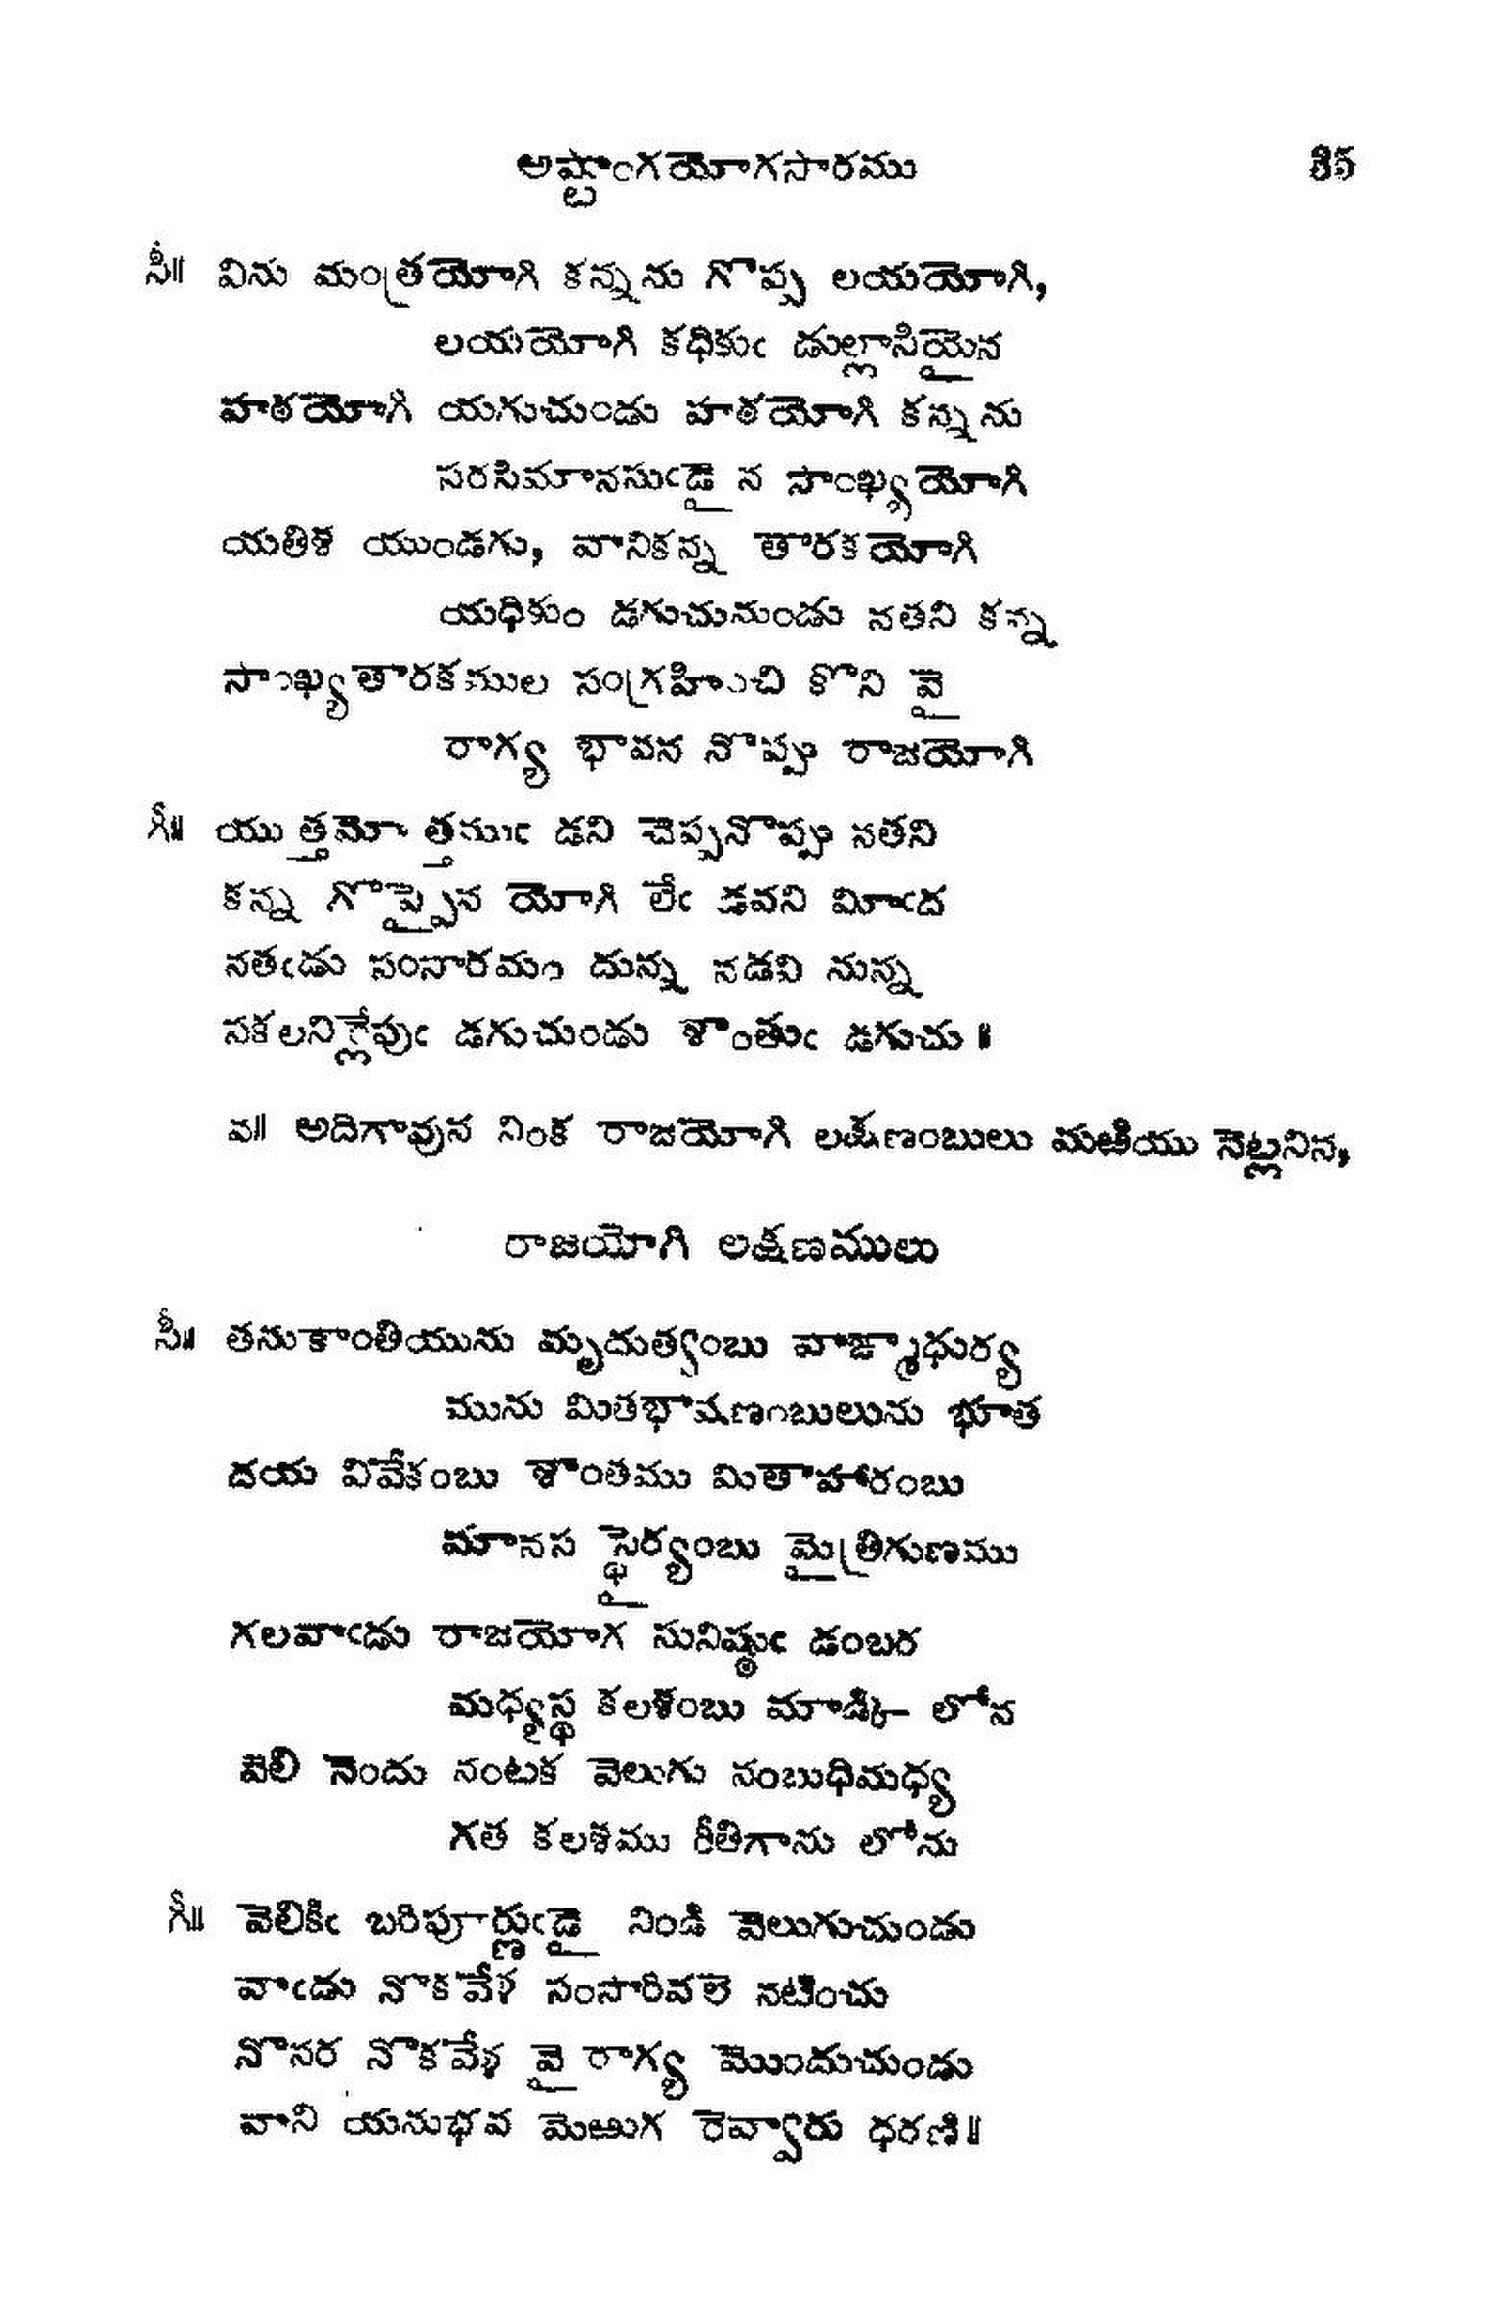సీ. విను మంత్రయోగి కన్నను గొప్ప లయయోగి,
 లయయోగి కధికుఁ డుల్లాసియైన
 హఠయోగి యగుచుండు హఠయోగి కన్నను
 సరసిమానసుఁడైన సాంఖ్యయోగి
 యతిశయుండగు, వానికన్న తారకయోగి
 యధికుం డగుచునుండు నతని కన్న
 సాంఖ్యతారకముల సంగ్రహించికొని వై
 రాగ్యభావన నొప్పు రాజయోగి
గీ. యుత్తమోత్తముఁ డని చెప్పనొప్పు నతని
 కన్న గొప్పైన యోగి లేఁ డవనిమీఁద
 నతఁడు సంసారమం దున్న నడవి నున్న
 సకలనిర్లేపుఁ డగుచుండు శాంతుఁ డగుచు.
వ. అది గావున నింక రాజయోగి లక్షణంబులు మఱియు నెట్లనిన,

సీ. తనుకాంతియును మృదుత్వంబు వాఙ్మాధుర్య
 మును మితభాషణంబులును భూత
 దయ వివేకంబు శాంతము మితాహారంబు
 మానసస్థైర్యంబు మైత్రిగుణము
 గలవాఁడు రాజయోగ సునిష్ఠుఁ డంబర
 మధ్యస్థకలశంబుమాడ్కి లోన
 వెలి నెందు నంటక వెలుగు నంబుధిమధ్య
 గతకలశమురీతిగాను లోను
గీ. వెలికిఁ బరిపూర్ణుఁడై నిండి వెలుగుచుండు
 వాఁడు నొకవేళ సంసారివలె నటించు
 నొనర నొకవేళ వైరాగ్య మొందుచుండు
 వాని యనుభవ మెఱుగ రెవ్వారు ధరణి.